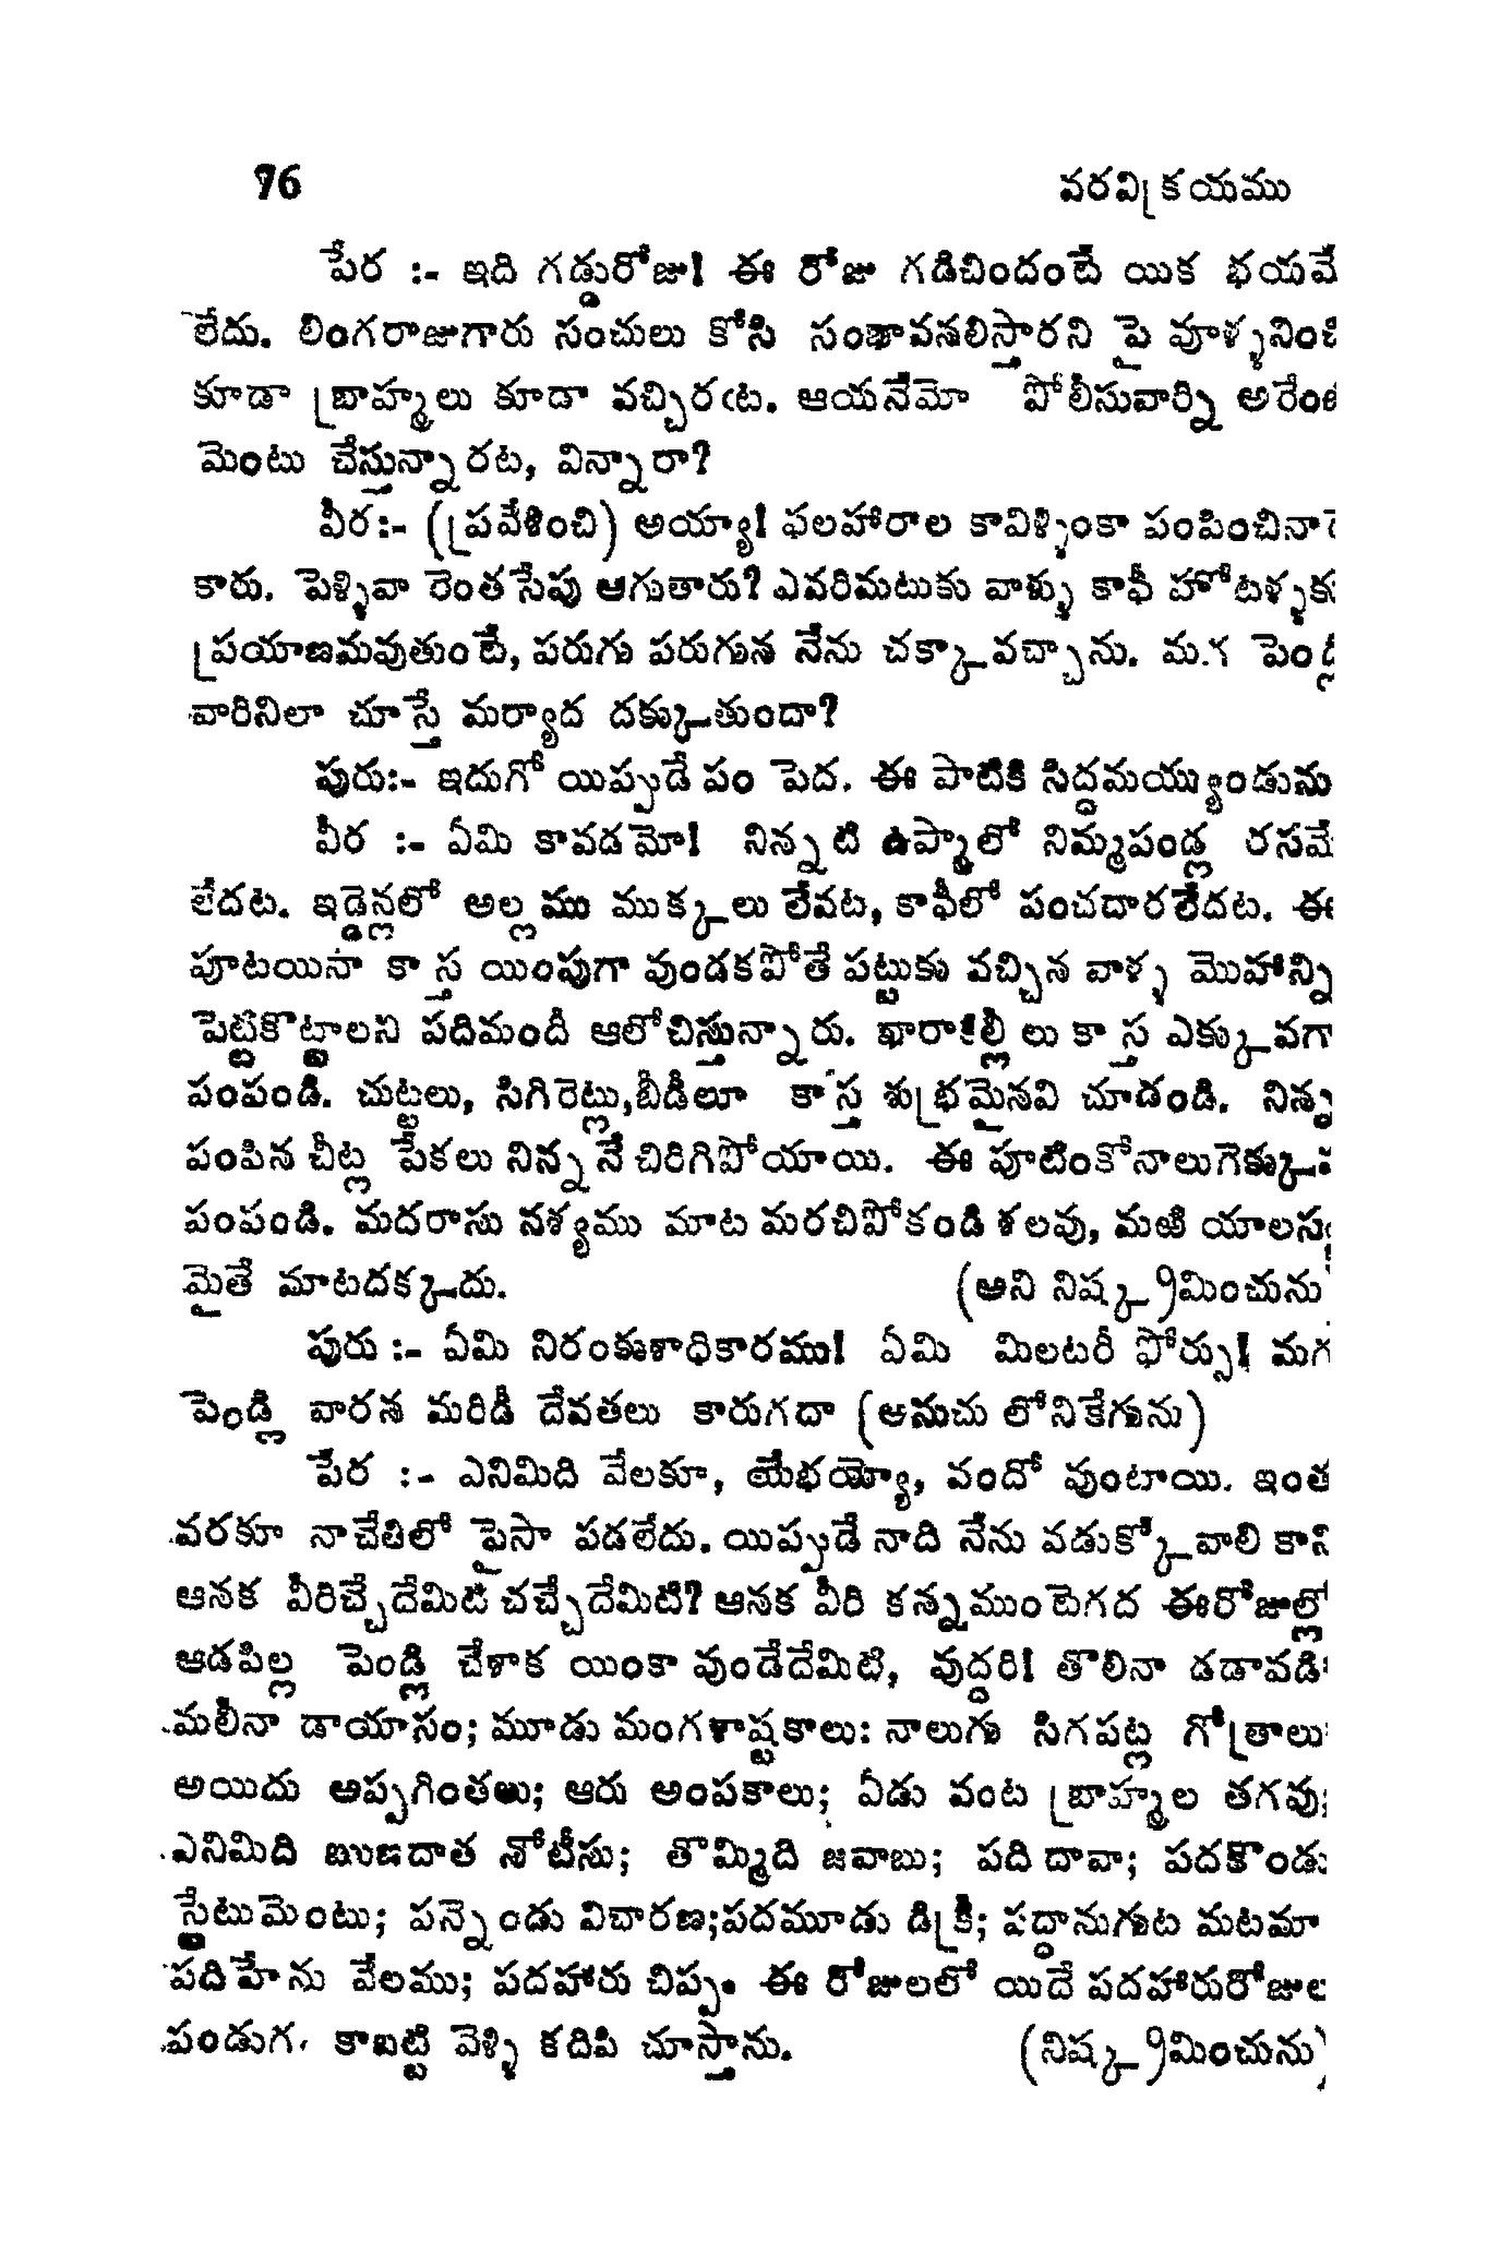పేర :- ఇది గడ్డురోజు! ఈ రోజు గడిచిందంటే యిక భయమే లేదు. లింగరాజుగారు సంచులు కోసి సంభావనలిస్తారని పై వూళ్లనించి కూడా బ్రాహ్మలు కూడా వచ్చిరట. ఆయనేమో, పోలీసువార్ని అరంజిమెంటు చేస్తున్నారట, విన్నారా?

వీర :- (ప్రవేశించి) అయ్యా! ఫలహారాల కావిళ్ళింకా పంపించినారే కారు. పెళ్ళివా రెంతసేపు ఆగుతారు? ఎవరిమటుకు వాళ్ళు కాఫీ హోటళ్ళకు ప్రయాణమవుతుంటే, పరుగు పరుగున నేను చక్కా వచ్చాను. మగ పెండ్లి వారినిలా చూస్తే మర్యాద దక్కుతుందా?

పురు :- ఇదుగో యిప్పుడే పంపెద. ఈపాటికి సిద్ధమయ్యుండును.

వీర :- ఏమి కావడమో. నిన్నటి వుప్మాలో నిమ్మపండ్ల రసమే లేదట. ఇడ్డెన్లలో అల్లము ముక్కలు లేవట. కాఫీలో పంచదారలేదట. ఈ పూటయినా కాస్త యింపుగా వుండకపోతే పట్టుకు వచ్చిన వాళ్ళ మొహాన్ని పెట్టికొట్టాలని పదిమందీ ఆలోచిస్తూన్నారు. ఖారాఖిల్లీలు కాస్త ఎక్కువగా పంపండి. చుట్టలు, సిగరెట్లు, బీడీలూ కూడా కాస్త శుభ్రమైనవి చూడండి. నిన్న పంపిన చీట్ల పేకలు నిన్ననే చిరిగిపోయాయి. ఈ పూటింకోనాలుగెక్కువ పంపండి. మదరాసు నశ్యము మాట మరిచిపోకండి. శలవు. మఱి యాలస్యమైతే మాటదక్కదు. (అని నిష్క్రమించును.)

పురు :- ఏమి నిరంకుశాధికారము! ఏమి మిలటరీ ఫోర్సు! మగపెండ్లి వారన మరిడీ దేవతలు కారుగదా. (అనుచు లోనికేగును.)

పేర :- ఎనిమిది వేలకూ, యేభయ్యో, వందో వుంటాయి. ఇంతవరకూ నాచేతిలో పైసా పడలేదు. యిప్పుడే నాది నేను వడుక్కోవాలి కాని, ఆనక వీరిచ్చేదేమిటి చచ్చేదేమిటి. ఆనక వీరి కన్నముంటెగద. ఈరోజుల్లో ఆడపిల్ల పెళ్లి చేశాక, యింకా వుండే దేమిటి, వుద్ధరి! తొలినా డడావడి, మలీనా డాయాసం; మూడు మంగళాష్టకాలు; నాలుగు సిగపట్ల గోత్రాలు; అయిదు అప్పగింతలు; ఆరు అంపకాలు; ఏడు వంట బ్రాహ్మల తగవు; ఎనిమిది ఋణదాత నోటీసు; తొమ్మిది జవాబు; పది దావా; పదకొండు స్టేటుమెంటు; పన్నెండు విచారణ; పదమూడు డిక్రీ; పద్ధానుగుట మటమా; పదిహేను వేలము; పదహారు చిప్ప. ఈ రోజుల్లో యిదే పదహారురోజుల పండుగ. కాబట్టి, వెళ్ళీ కదిపి చూస్తాను. (నిష్క్రమించును)